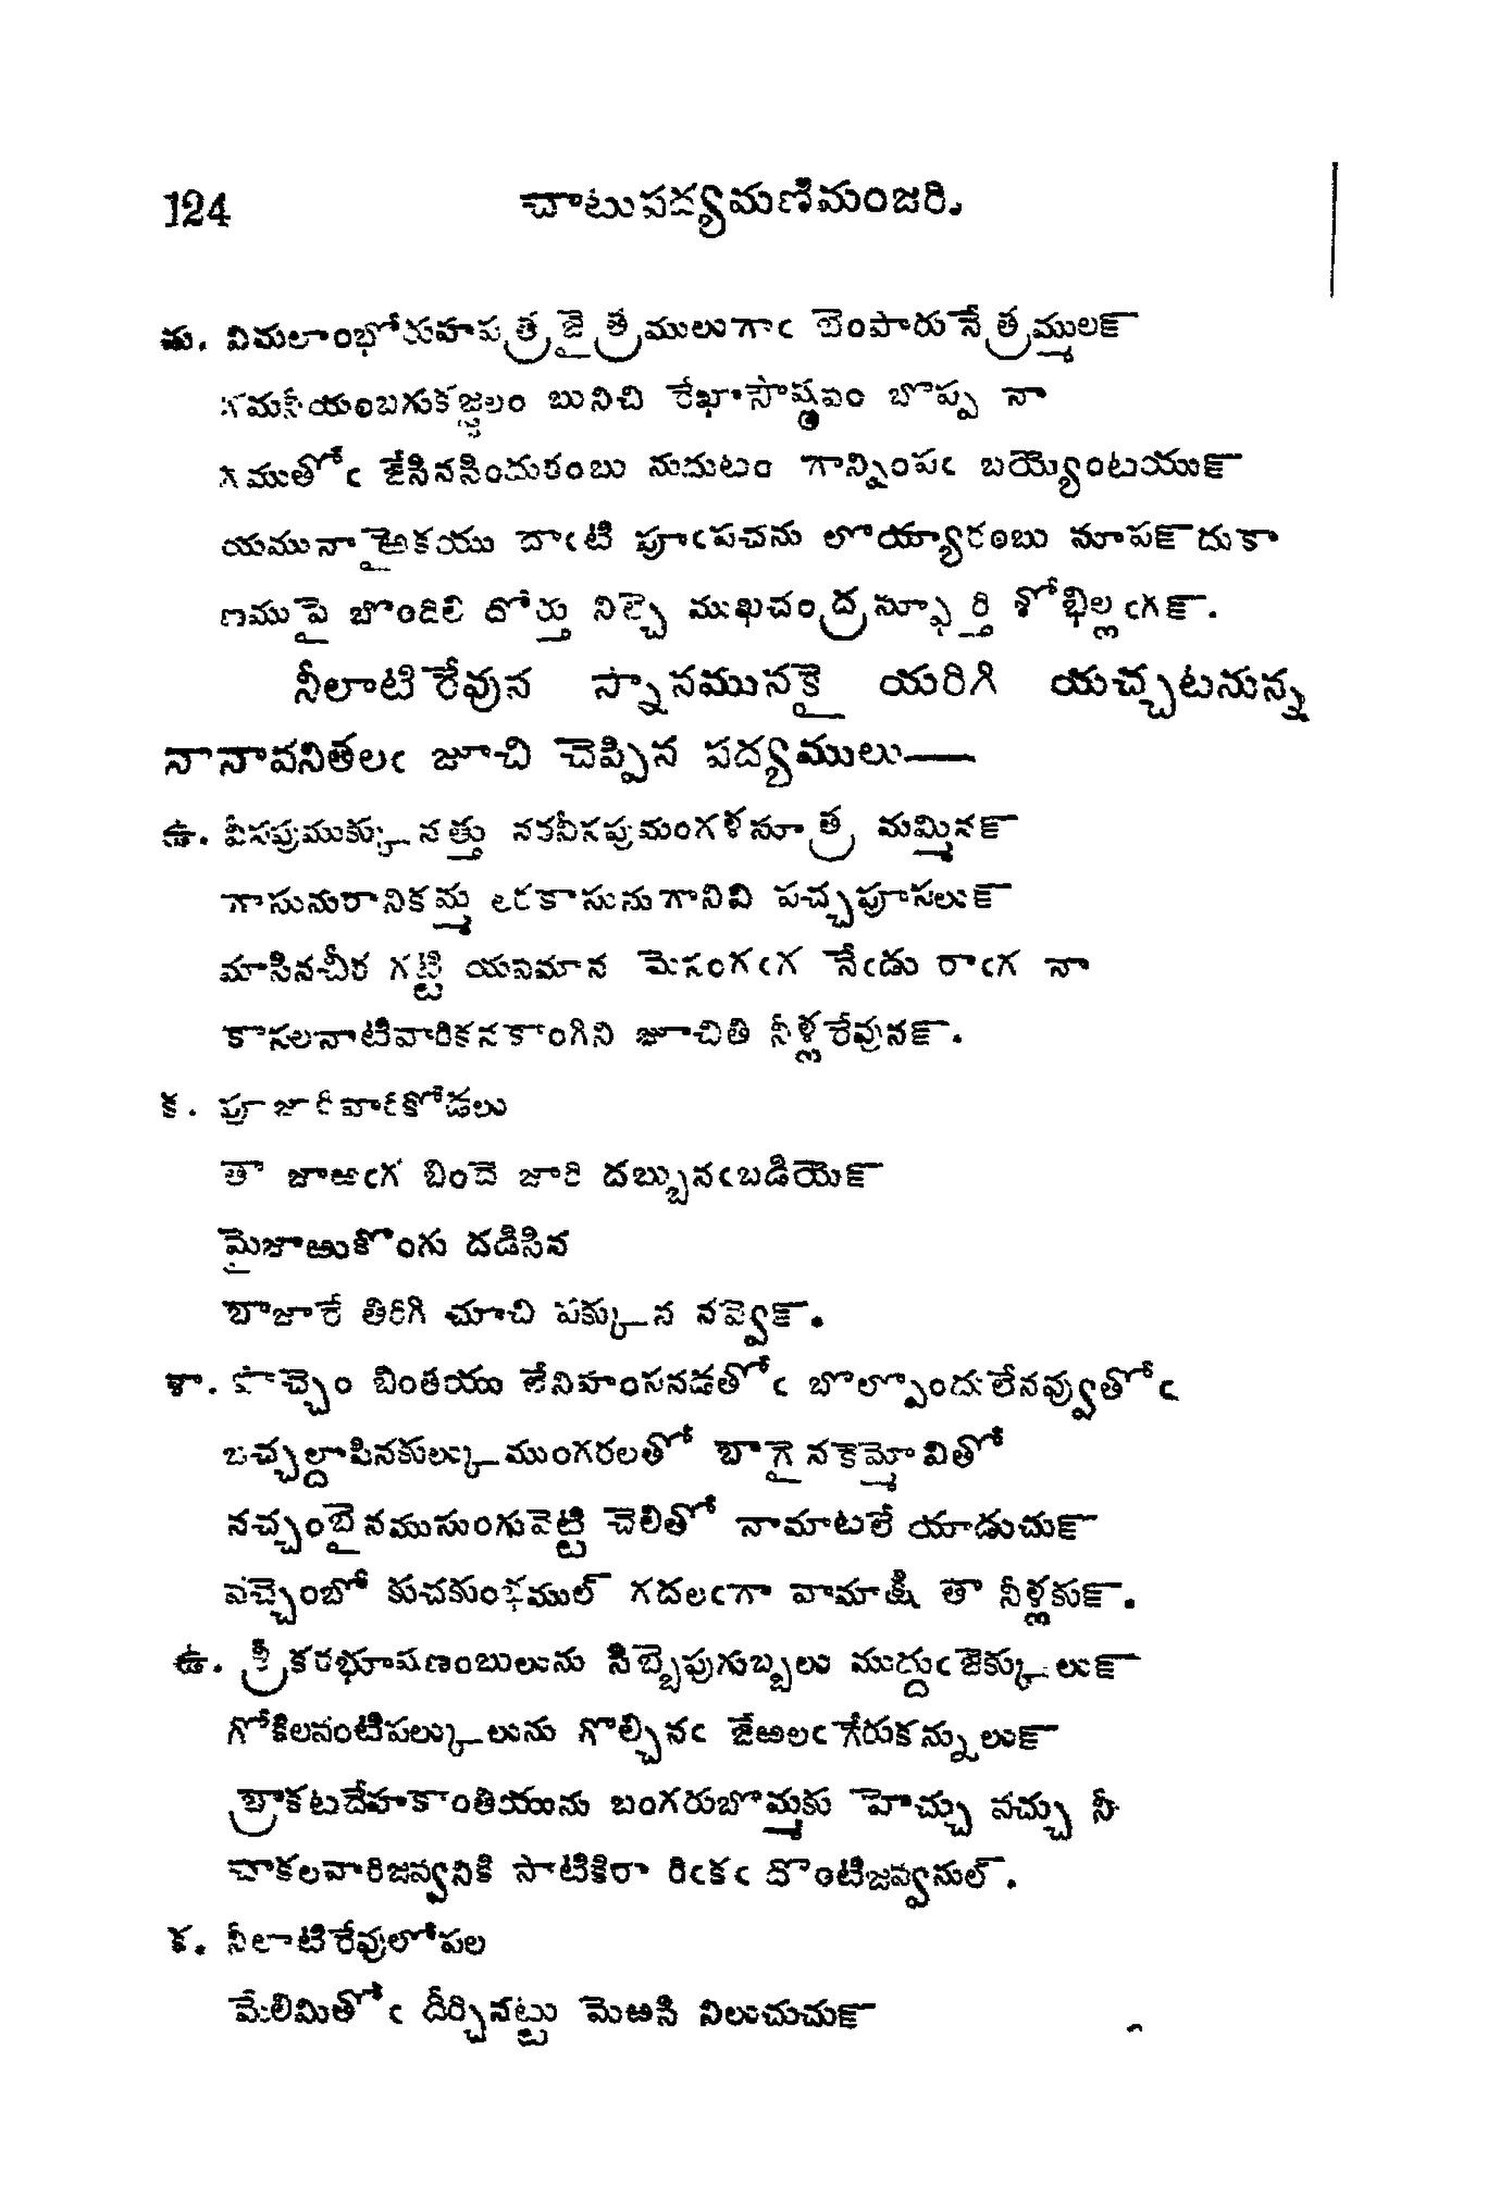మ. విమలాంభోరుహపత్రజైత్రములుగాఁ బెంపారు నేత్రమ్ములన్
 గమనీయంబగుకజ్జలం బునిచి రేఖాసౌష్ఠవం బొప్ప నా
 గముతోఁ జేసిన సిందురంబు నుదుటం గాన్పింపఁ బయ్యంటయున్
 యమునాఱైకయు దాఁటి పూఁపచను లొయ్యారంబు సూపన్ దుకా
 ణముపై బొందిలి దోర్తు నిల్చె ముఖచంద్రస్ఫూర్తి శోభిల్లఁగన్.
నీలాటిరేవున స్నానమునకై యరిగి యచ్చట నున్న నానావనితలఁ జూచి చెప్పిన పద్యములు—
ఉ. వీసపుముక్కునత్తు నరవీసపుమంగళసూత్ర మమ్మినన్
 గాసుకురానికమ్మ లరకాసును గానివి పచ్చపూసలున్
 మాసినచీర గట్టి యవమాన మెసంగఁగ నేఁడు రాఁగ నా
 కాసలనాటివారికనకాంగిని జూచితి నీళ్ళరేవునన్.
క. పూజారివారికోడలు
 తా జారఁగ బిందె జారి దబ్బునఁ బడియెన్
 మైజాఱుకొంగు దడిసిన
 బాజారే తిరిగి చూచి పక్కున నవ్వెన్.
శా. పొచ్చెం బింతయు లేనిహంసనడతోఁ బొల్పొందు లేనవ్వుతోఁ
 బచ్చల్ దాపిన గుల్కుముంగరలతో బాగైనకెమ్మోవితో
 నచ్చంబైన ముసుంగువెట్టి చెలితో నామాటలే యాడుచున్
 వచ్చెంబో కుచకుంభముల్ గదలఁగా వామాక్షి తా నీళ్ళకున్.
ఉ. శ్రీకరభూషణంబులును సిబ్బెపుగుబ్బలు ముద్దుఁజెక్కులున్
 గోకిలవంటిపల్కులును గొల్చినఁ జేఱలఁ గేరుకన్నులున్
 బ్రాకటదేహకాంతియును బంగరుబొమ్మకు హెచ్చు వచ్చు నీ
 చాకలవారిజవ్వనికి సాటికి రా రికఁ దొంటిజవ్వనుల్.
క. నీలాటిరేవులోపల
 మేలిమితోఁ దీర్చినట్టు మెఱసి నిలుచుచున్